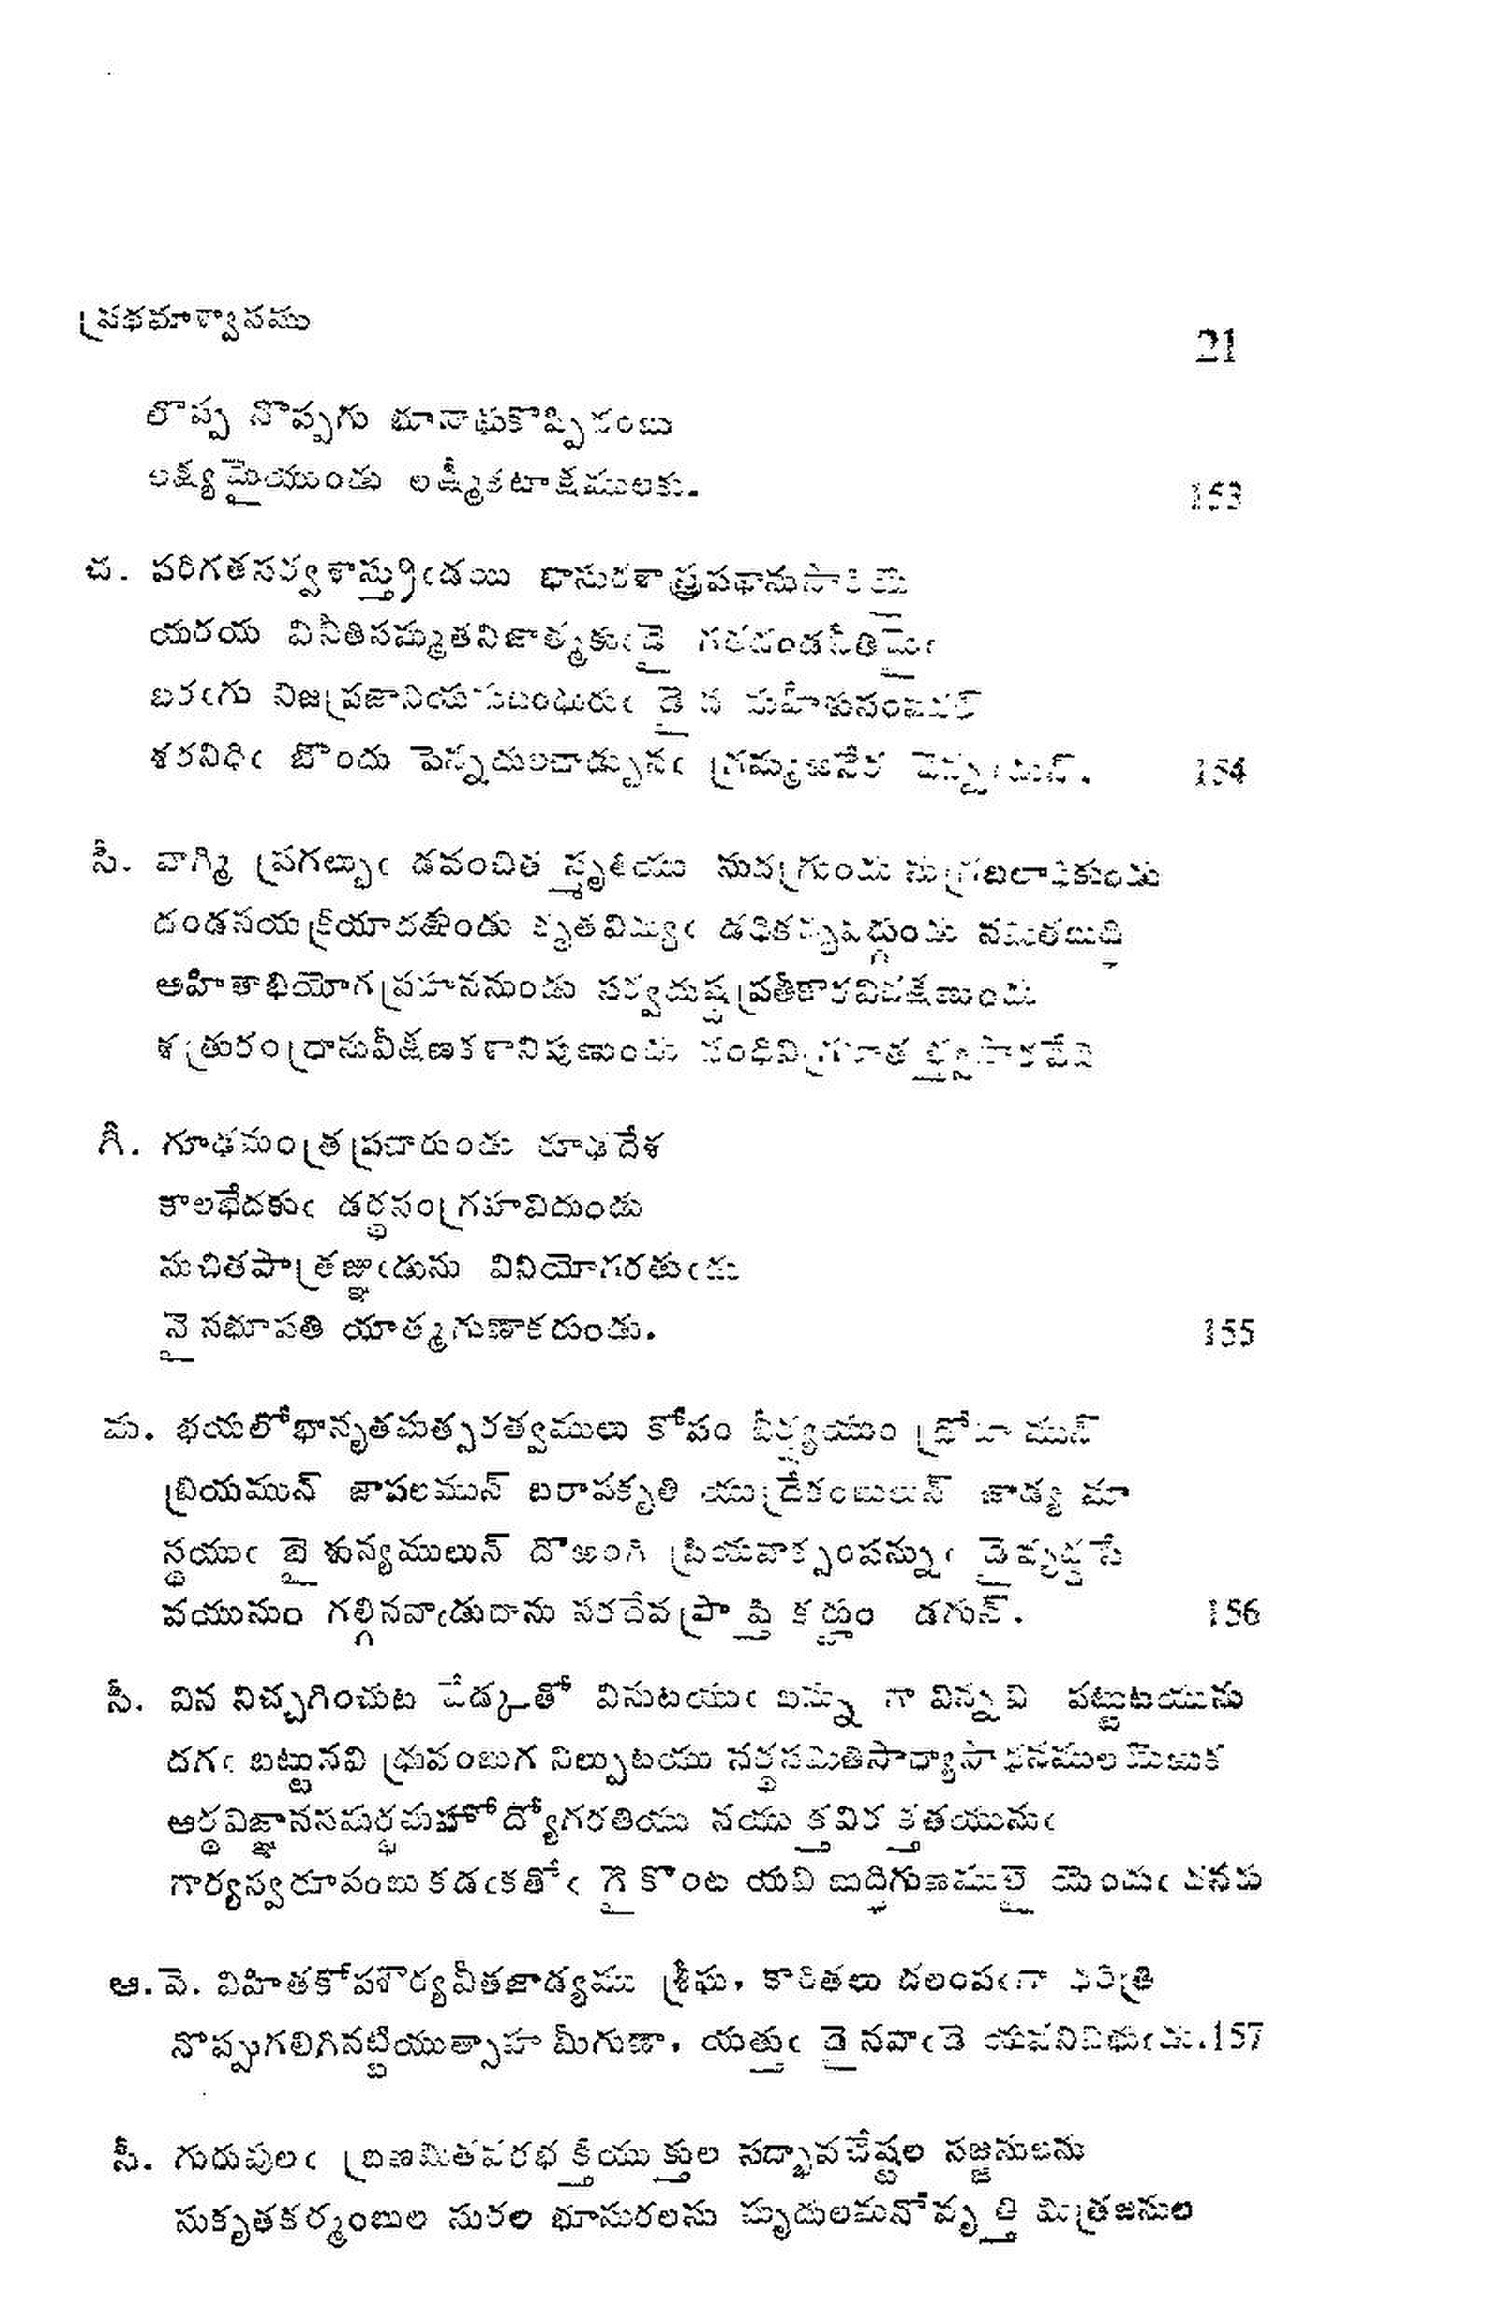లొప్ప నొప్పగు భూనాథుకొప్పితంబు
లక్ష్యమైయుండు లక్ష్మీకటాక్షములకు. 153

చ. పరిగతసర్వశాస్త్రుఁడయి భాసురశాస్త్రపథానుసారియై
యరయ వినీతిసమ్మతనిజాత్మకుఁడై గతదండనీతిమైఁ
బరఁగు నిజప్రజానియమబంధురుఁ డైన మహీశుసంపదల్
శరనిధిఁ బొందు పెన్నదులచాడ్పునఁ గ్రమ్మఱనేర వెన్నఁడున్. 154

సీ. వాగ్మి ప్రగల్భుఁ డవంచితస్మృతియు
నుదగ్రుండు నుగ్రబలాధికుండు
దండనయక్రియాదక్షుండు కృతవిద్యుఁ
డధికనృవర్గుండు నమితబుద్ధి
ఆహితాభియోగప్రహసనుండు
సర్వదుష్టప్రతీకారవిచక్షణుండు
శత్రురంధ్రానువీక్షణకళానిపుణుండు
సంధివిగ్రహతత్త్వసారవేది
గీ. గూఢమంత్రప్రచారుండు రూఢదేశ
కాలభేదకుఁ డర్థసంగ్రహవిదుండు
నుచితపాత్రజ్ఞుఁడును వినియోగరతుఁడు
నైన భూపతి యాత్మగుణాకరుండు. 155

మ. భయలోభానృతమత్సరత్వములు కోపం బీర్ష్యయుం ద్రోహమ
ప్రియమున్ జాపలమున్ బరాపకృతి యుద్రేకంబున్ జాడ్య మా
స్థయుఁ బైశున్యములున్ దొఱంగి ప్రియవాక్సంపన్నుఁడై వృద్ధసే
వయునుం గల్గినవాఁడు దాను నరదేవప్రాప్తి కర్హుం డగున్. 156

సీ. విన నిచ్చగించుట వేడ్కతో వినుటయుఁ
బన్ను గా విన్నవి పట్టుటయును
దగఁ బట్టునని ధ్రువంబుగ నిల్చుటయు
నర్థసమితిసాధ్యాసాధనముల యెఱుక
అర్థవిజ్ఞానసమర్థమహాద్యోగ
రతియు నయుక్తవిరక్తియునుఁ
గార్యస్వరూపంబు కడఁకతోఁ గైకొంట
యివి బుద్ధిగుణములై యెందుఁ దనరు
ఆ. విహితకోపశౌర్యవీతజాడ్యము శీఘ్ర
కారితలు దలంపఁగా ధరిత్రి
నొప్పుగలిగినట్టి యుత్సాహ మీగుణా
యత్తుఁ డైనవాఁడె యవనివిభుఁడు. 157

సీ. గురువులఁ బ్రణమితవరభక్తియుక్తుల
సద్భావచేష్టల సజ్జనులను
సుకృతకర్మంబుల సురల భూసురులను
మృదులమనోవృత్తి మిత్రజనుల